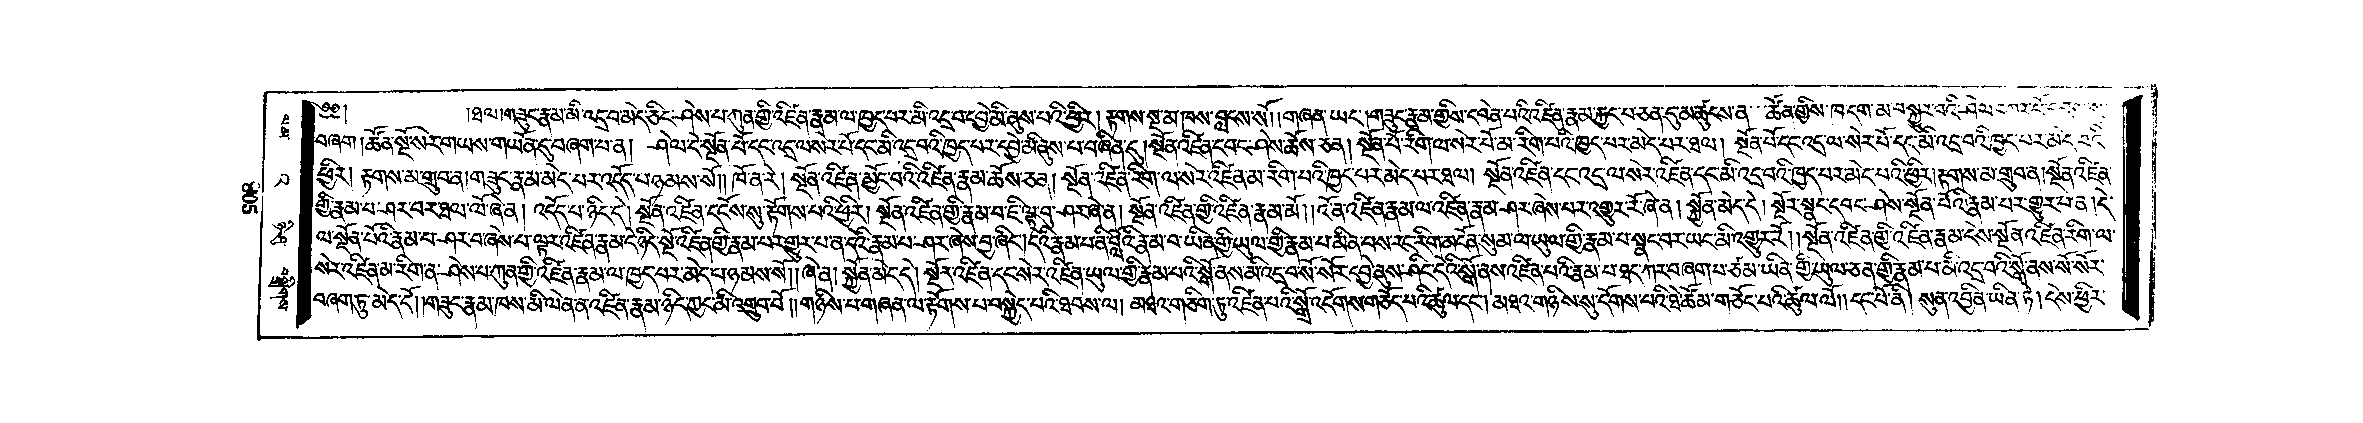༄༅། །ཐལ། གཟུང་རྣམ་མི་འདྲ་བ་མེད་ཅིང་ཤེས་པ་ཀུན་གྱི་འཛིན་རྣམ་ལ་ཁྱད་པར་མི་འདྲ་བ་དབྱེ་མི་ནུས་པའི་ཕྱིར། རྟགས་སྔ་མ་ཁས་བླངས་སོ། །གཞན་ཡང་། གཟུང་རྣམ་གྱིས་དབེན་པའི་འཛིན་རྣམ་རྐྱང་པ་ཅན་དུ་མཚུངས་ན་ཚོན་གྱིས་ཁ་དག་མ་བསྐྱུར་བའི་ཤེལ་དཀར་པོ་དབུས་སུ་
བཞག །ཚོན་སྔོ་སེར་གཡས་གཡོན་དུ་བཞག་པ་ན། ཤེལ་དེ་སྔོན་པོ་དང་འདྲ་ལ་སེར་པོ་དང་མི་འདྲ་བའི་ཁྱད་པར་དབྱེ་མི་ནུས་པ་བཞིན་དུ། སྔོན་འཛིན་དབང་ཤེས་ཆོས་ཅན། སྔོན་པོ་རིག་ལ་སེར་པོ་མ་རིག་པའི་ཁྱད་པར་མེད་པར་ཐལ། སྔོན་པོ་དང་འདྲ་ལ་སེར་པོ་དང་མི་འདྲ་བའི་ཁྱད་པར་མེད་པའི་
ཕྱིར། རྟགས་མ་གྲུབ་ན། གཟུང་རྣམ་མེད་པར་འདོད་པ་ཉམས་སོ། །ཁོ་ན་རེ། སྔོན་འཛིན་མྱོང་བའི་འཛིན་རྣམ་ཆོས་ཅན། སྔོན་འཛིན་རིག་ལ་སེར་འཛིན་མ་རིག་པའི་ཁྱད་པར་མེད་པར་ཐལ། སྔོན་འཛིན་དང་འདྲ་ལ་སེར་འཛིན་དང་མི་འདྲ་བའི་ཁྱད་པར་མེད་པའི་ཕྱིར། རྟགས་མ་གྲུབ་ན། སྔོན་འཛིན་
གྱི་རྣམ་པ་ཤར་བར་ཐལ་ལོ་ཞེ་ན། འདོད་པ་ཉིད་དེ། སྔོན་འཛིན་དངོས་སུ་རྟོགས་པའི་ཕྱིར། སྔོན་འཛིན་གྱི་རྣམ་པ་ཇི་ལྟ་བུ་ཤར་ཞེ་ན། སྔོན་འཛིན་གྱི་འཛིན་རྣམ་མོ། །འོ་ན་འཛིན་རྣམ་ལ་འཛིན་རྣམ་ཤར་ཞེས་པར་འགྱུར་རོ་ཞེ་ན། སྐྱོན་མེད་དེ། སྔོར་སྣང་དབང་ཤེས་སྔོན་པོའི་རྣམ་པར་གྱུར་པ་ན། དེ་
ལ་སྔོན་པོའི་རྣམ་པ་ཤར་བ་ཞེས་པ་ལྟར་འཛིན་རྣམ་དེ་ཉིད་སྔོ་འཛིན་གྱི་རྣམ་པར་གྱུར་པ་ན་དེའི་རྣམ་པ་ཤར་ཞེས་བྱ་ཞིང་། དེའི་རྣམ་པ་ནི་བློའི་རྣམ་པ་ཡིན་གྱི་ཡུལ་གྱི་རྣམ་པ་མིན་པས་རང་རིག་མངོན་སུམ་ལ་ཡུལ་གྱི་རྣམ་པ་སྣང་བར་ཡང་མི་འགྱུར་རོ། །སྔོན་འཛིན་གྱི་འཛིན་རྣམ་ངེས་སྔོན་འཛིན་རིག་ལ་
སེར་འཛིན་མ་རིག་ན་ཤེས་པ་ཀུན་གྱི་འཛིན་རྣམ་ལ་ཁྱད་པར་མེད་པ་ཉམས་སོ། །ཞེ་ན། སྐྱོན་མེད་དེ། སྔོར་འཛིན་དང་སེར་འཛིན་ཡུལ་གྱི་རྣམ་པའི་སྒོ་ནས་མི་འདྲ་བ་སོ་སོར་དབྱེ་ནུས་ཤིང་དེའི་སྒོ་ནས་འཛིན་པའི་རྣམ་པ་ཐད་ཀར་བཞག་པ་ཙམ་ཡིན་གྱི་ཡུལ་ཅན་གྱི་རྣམ་པ་མི་འདྲ་བའི་སྒོ་ནས་སོ་སོར་
བཞག་ཏུ་མེད་དོ། །གཟུང་རྣམ་ཁས་མི་ལེན་ན་འཛིན་རྣམ་ཉིད་ཀྱང་མི་འགྲུབ་བོ། །གཉིས་པ་གཞན་ལ་རྟོགས་པ་བསྐྱེད་པའི་ཐབས་ལ། མཐའ་གཅིག་ཏུ་འཛིན་པའི་སྒྲོ་འདོགས་གཅོད་པའི་ཚུལ་དང་། མཐའ་གཉིས་སུ་དོགས་པའི་ཐེ་ཚོམ་གཅོད་པའི་ཚུལ་ལོ། །དང་པོ་ནི། སུན་འབྱིན་ཡིན་ཏེ། དེས་ཕྱིར་